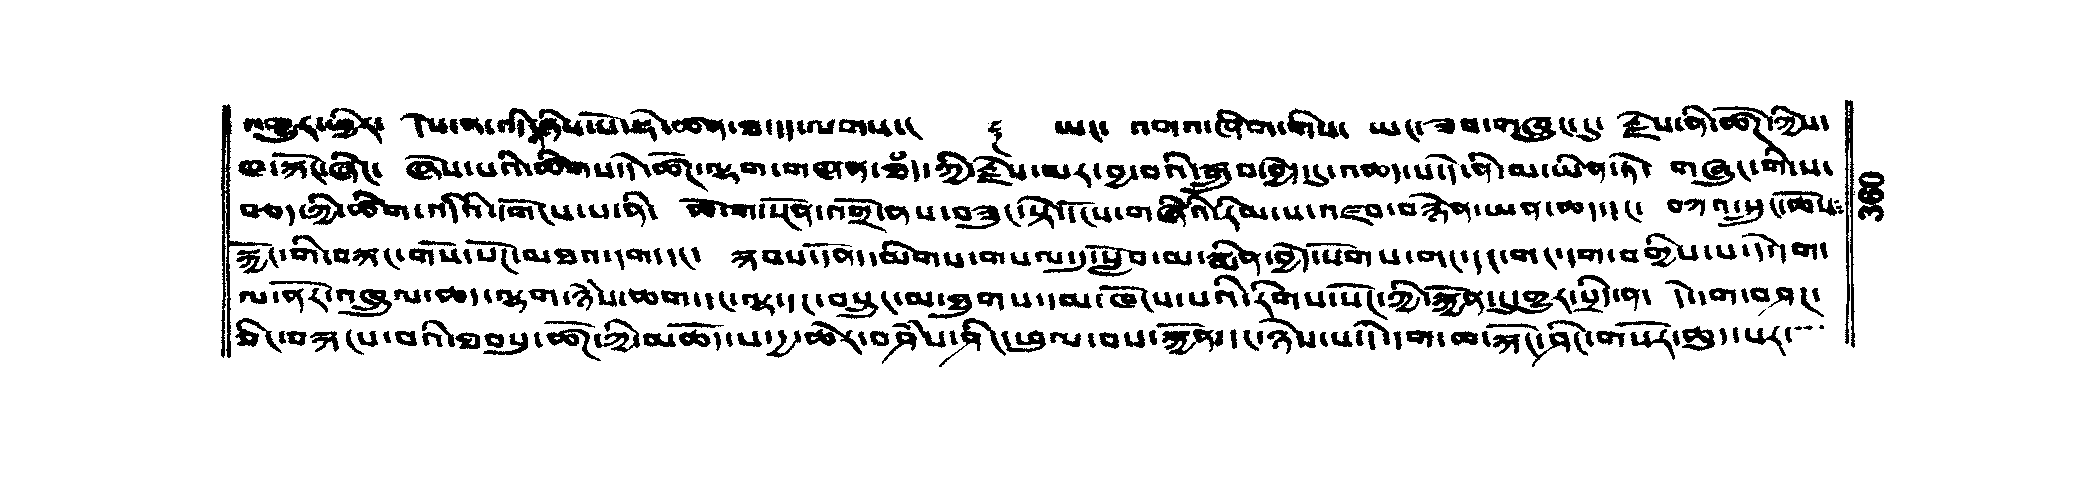འགྱུར་ཕྱིར། དེས་ན་འདི་གཉིས་པོ་སྡེ་ཚན་ཐ་དད་ལགས། ༈ ཡང་འགའ་ཞིག་གིས་ཡང་ཟབ་གཞུང་དུ། རྗེས་ནི་ཚོགས་ཀྱི་
ཁ་སྐོང་ཞིང་། ཞེས་པའི་ཚོགས་དེ་ཚོགས་ལྷག་གཞན་ཐམས་ཅད་ཀྱི་རྗེས་མར་བྱ་བའི་སྒྲུབ་བྱེད་དུ་འཆད་པ་དེ་ནི་མ་ཡིན་ཏེ། གཞུང་གི་ས་
བཅད་ཀྱི་ཚིག་འདིའི་དགོངས་པ་ནི། ཆོ་ག་སྔོན་འགྲོ་ནས་བཟུང་སྟེ་དངོས་གཞིའི་རིམ་པ་འཛབ་བསྙེན་ཡན་ཆད་དང་། བཀའ་སྲུང་ཆོས་
སྐྱོང་གི་བསྐང་གསོ་སོགས་མཐའ་དག་དང་། སྐབས་དོན་དམིགས་གསལ་དུ་སློབ་མ་སྨིན་བྱེད་སོགས་གང་དང་གང་དག་བགྱིས་པ་དེ་དག་
ལ་ནོར་འཁྲུལ་ཆད་ལྷག་ཉམས་ཆགས་དང་ལྷ་དང་བསྲུང་མ་ཐུགས་དམ་ཁོངས་པའི་རིགས་སོགས་ཀྱི་སྐྱོན་དུ་གྱུར་སྲིད་ན། དེ་དག་བཤགས་
ཅིང་བསྐངས་བའི་ཐབས་སུ་ཚོགས་ཀྱི་མཆོད་པ་རྒྱ་ཆེར་བཤམས་ཤིང་ཕུལ་བས་སྐྱོན་དང་ཉེས་པ་དེ་དག་ཁ་སྐོང་ཤིང་གསོར་ཆུད་པར་